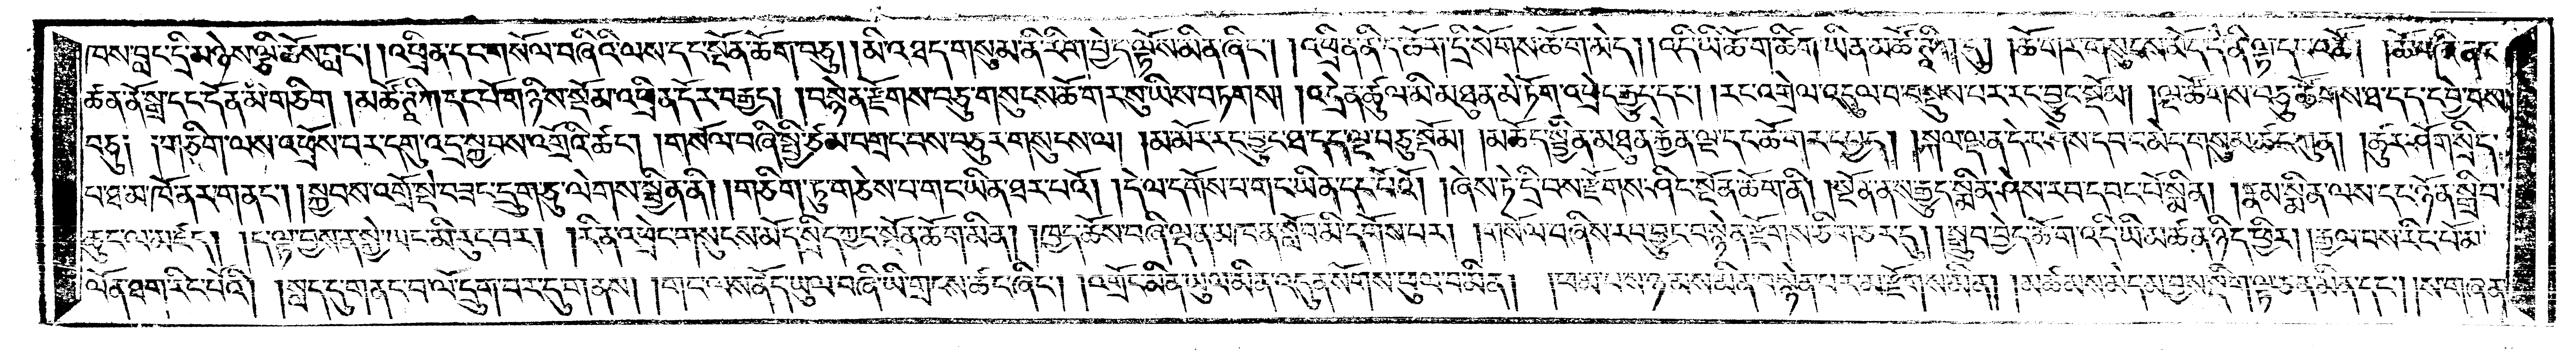ཁས་བླང་དྲི་མ་ཉེས་ལྕི་ཆོས་བླང་། །འཕྲིན་དང་གསོལ་བཞིའི་ལས་དང་སྔོན་ཆོག་བཅུ། །མི་འཐད་གསུམ་ནི་རིག་བྱེད་ལྟོས་མིན་ཞིང་། །འཕྲིན་ནི་ད་ཆོག་དྲི་སོགས་ཆོ་ག་མེད། །འདི་ཡི་ཆོ་ག་ཚིག་ཡིན་མཚོ་ཊཱིཀ་དུ། །ཆོ་གར་གསུངས་མོད་དེ་ནི་ལྟ་དང་འཚོ། །ཆོ་གའི་ནང་
ཚན་ནོ་སྒྲ་དང་དོན་མི་གཅིག། །མཚོ་ཊཱིཀ་དང་པོ་གཉིས་སྡོམ་འཕྲིན་དོར་བརྒྱད། །བསྙེན་རྫོགས་བཅུ་གསུངས་ཆོ་ག་སུ་ཡིས་བཏགས། །འདྲེན་ཚུལ་མི་མཐུན་མེ་ཏོག་འཕྲེང་རྒྱུད་དང་། །རང་འགྲེལ་འདུལ་བ་བསྡུས་པར་རང་བྱུང་སྡོམ། །ལྔ་ཚོགས་བཅུ་ཚོགས་ཐ་དད་དབྱེ་བས་
བཅུ༑ ༑གཅིག་ལས་འཕྲོས་བར་དགུ་འདྲ་སྐྱབས་འགྲོའི་ཚང་། །གསོལ་བཞི་སྤྱི་ཙམ་བགྲང་བས་བཅུར་གསུངས་ལ། །མ་མོར་རང་བྱུང་ཐ་དད་ལྔ་བཅུ་སྡོམ། །མཆོད་སྦྱིན་མཐུན་རྐྱེན་ལྔ་དང་ཆོ་གར་དཔྱད། །སྐལ་ལྡན་དེར་ཤེས་དབང་མེད་གསུམ་ཚད་ཀུན། །ཚུར་ཤོག་སྲིད་
པ་ཐ་མ་ཁོ་ནར་གནང་། །སྐྱབས་འགྲོ་སྡེ་བཟང་དྲུག་ཅུ་ལེགས་སྦྱིན་ནི། །གཅིག་ཏུ་གཅེས་པ་གང་ཡིན་ཐར་པའོ། །དེ་ལ་དགོས་པ་གང་ཡིན་དང་པོའོ། །ཞེས་ཏེ་དྲི་བས་རྫོགས་ཤིང་སྔོན་ཆོག་ནི། །སྔོན་ནས་རྒྱུད་སྨིན་ཤེས་རབ་དབང་པོ་སྨིན། །རྣམ་སྨིན་ལས་དང་ཉོན་སྒྲིབ་
ཆུང་ལ་མཛད། །ད་ལྟ་བྱས་ན་སྐྱེ་ཡང་མི་རུང་བར། །རིན་འཕྲེང་གསུངས་མོད་སྲིད་ཀྱང་སྔོན་ཆོག་མིན། །ཁྱད་ཆོས་བཞི་ལྡན་མཁན་སློབ་མི་དགོས་པར། །གསོལ་བཞིས་རབ་བྱུང་བསྙེན་རྫོགས་ཅིག་ཅར་དུ། །སྒྲུབ་བྱེད་ཆོ་ག་འདི་ཡི་མཚན་ཉིད་ཕྱིར། །རྒྱལ་བས་རིང་པོ་མ་
ལོན་ཐག་རིང་པོའི། །སླད་དུ་གནང་བ་ལོ་དྲུག་བར་དུ་གནས། །གད་ལས་ནོད་ཡུལ་བཞི་ཡི་གྲངས་ཚད་ཞིང་། །འགྲོང་མིན་ཡུལ་མིན་འདུན་སོགས་ཕུལ་བ་མིན། །ཕམ་པས་ཉམས་མིན་བསྙེན་པར་མ་རྫོགས་མིན། །མཚམས་མེད་མ་བྱས་སྡིག་ལྟ་ཅན་མིན་དང་། །ས་གཞན་